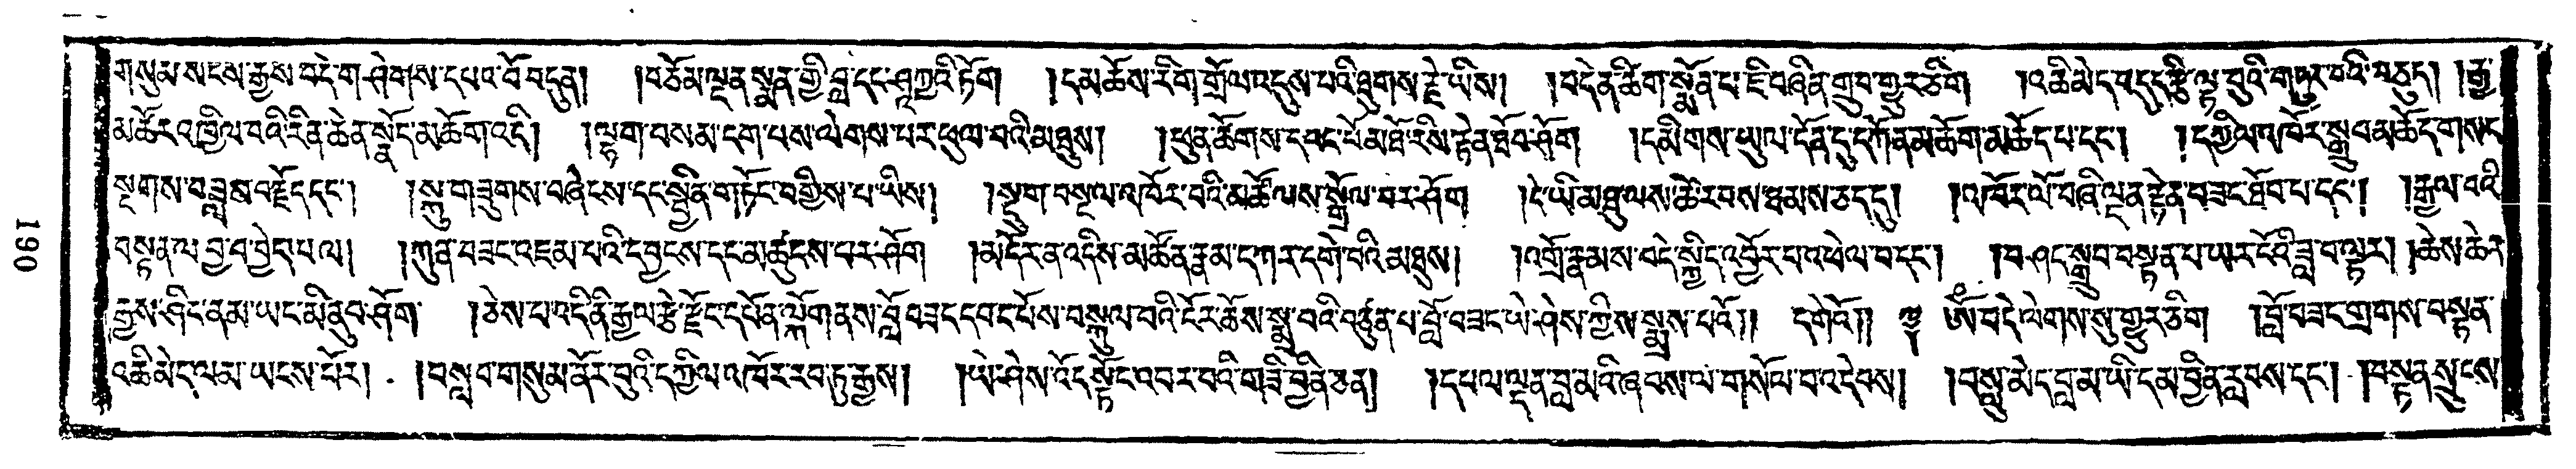གསུམ་སངས་རྒྱས་བདེ་གཤེགས་དཔའ་བོ་བདུན། །བཅོམ་ལྡན་སྨན་གྱི་བླ་དང་ཤཱཀྱའི་ཏོག །དམ་ཆོས་རིག་གྲོལ་འདུས་པའི་ཐུགས་རྗེ་ཡིས། །བདེན་ཚིག་སྨོན་པ་ཇི་བཞིན་གྲུབ་གྱུར་ཅིག །འཆི་མེད་བདུད་རྩི་ལྟ་བུའི་གཏུང་བའི་བཅུད། །རྒྱ་
མཚོར་འཁྱིལ་བའི་རིན་ཆེན་སྣོད་མཆོག་འདི། །ལྷག་བསམ་དག་པས་ལེགས་པར་ཕུལ་བའི་མཐུས། །ཕུན་ཚོགས་དབང་པོ་མཐོ་རིས་རྟེན་ཐོབ་ཤོག །དམིགས་ཡུལ་དོན་དུ་དཀོན་མཆོག་མཆོད་པ་དང་། །དཀྱིལ་འཁོར་སྒྲུབ་མཆོད་གསང་
སྔགས་བཟླས་བརྗོད་དང་། །སྐུ་གཟུགས་བཞེངས་དང་སྦྱིན་གཏོང་བགྱིས་པ་ཡིས། །སྡུག་བསྔལ་འཁོར་བའི་མཚོ་ལས་སྒྲོལ་བར་ཤོག །དེ་ཡི་མཐུ་ལས་ཚེ་རབས་ཐམས་ཅད་དུ། །འཁོར་ལོ་བཞི་ལྡན་རྟེན་བཟང་ཐོབ་པ་དང་། །རྒྱལ་བའི་
བསྟན་ལ་བྱ་བ་བྱེད་པ་ལ། །ཀུན་བཟང་འཇམ་པའི་དབྱངས་དང་མཚུངས་པར་ཤོག །མདོར་ན་འདིས་མཚོན་རྣམ་དཀར་དགེ་བའི་མཐུས། །འགྲོ་རྣམས་བདེ་སྐྱིད་འབྱོར་པ་འཕེལ་བ་དང་། །བཤད་སྒྲུབ་བསྟན་པ་ཡར་ངོའི་ཟླ་བ་ལྟར། །ཆེས་ཆེར་
རྒྱས་ཤིང་ནམ་ཡང་མི་ནུབ་ཤོག །ཅེས་པ་འདི་ནི་རྒྱལ་རྩེ་རྫོང་དཔོན་ལྐོག་ནས་བློ་བཟང་དབང་པོས་བསྐུལ་བའི་ངོར་ཆོས་སྨྲ་བའི་བཙུན་པ་བློ་བཟང་ཡེ་ཤེས་ཀྱིས་སྨྲས་པའོ།། དགེའོ།། ༈ ཨོཾ་བདེ་ལེགས་སུ་གྱུར་ཅིག །བློ་བཟང་གྲགས་བསྟན་
འཆི་མེད་ལམ་ཡངས་པོར། །བསླབ་གསུམ་ནོར་བུའི་དཀྱིལ་འཁོར་རབ་ཏུ་རྒྱས། །ཡེ་ཤེས་འོད་སྟོང་འབར་བའི་གཟི་བྱིན་ཅན། །དཔལ་ལྡན་བླ་མའི་ཞབས་ལ་གསོལ་བ་འདེབས། །བསླུ་མེད་བླ་མ་ཡི་དམ་བྱིན་རླབས་དང་། །བསྟན་སྲུངས་